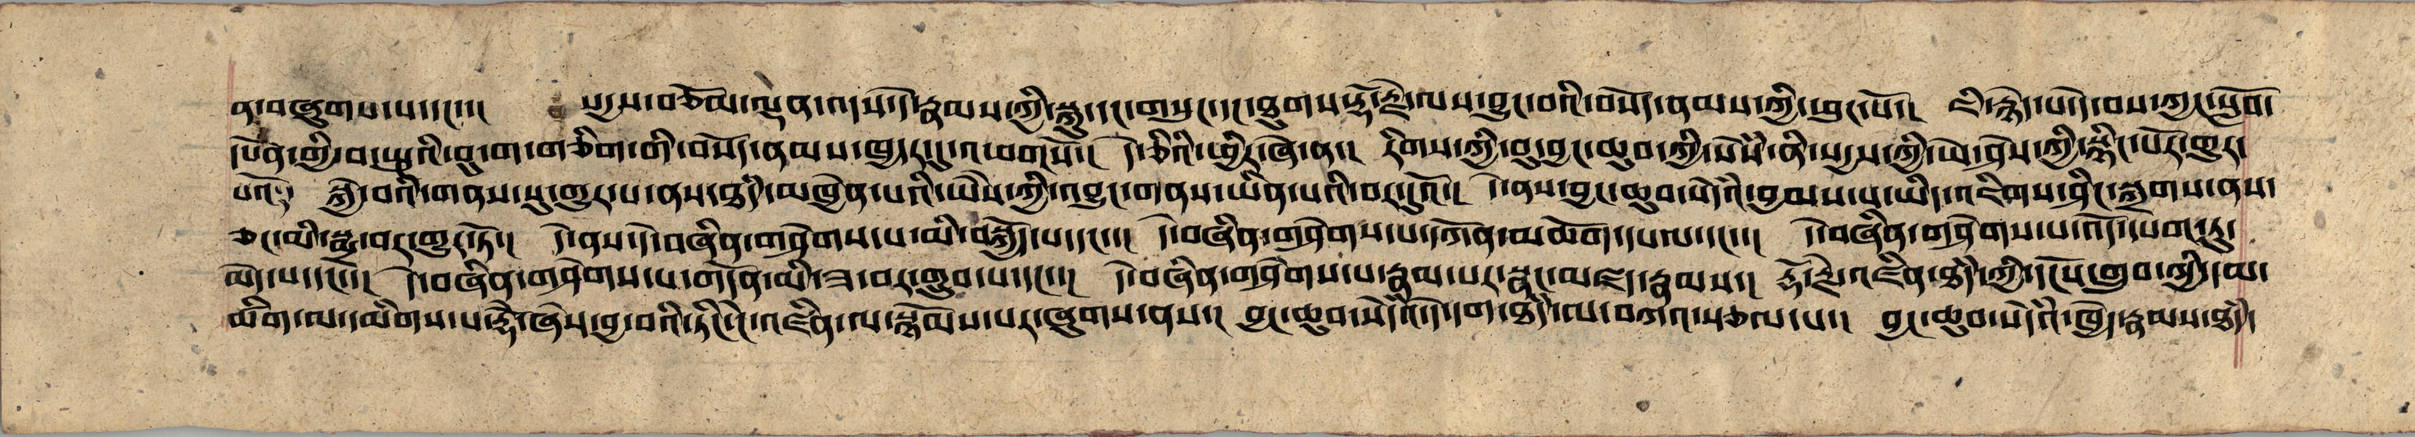ན་བཞུགས་པ་དང་་། སདྱས་བཅོམ་ལྡན་འདས་དེ་རྣམས་ཀྱི་སྐུ་དང་གསུང་དང་ཐུགས་རྡོ་རྗེ་ལས་བྱུང་བའི་བསོད་ནམས་ཀྱི་ཕུང་པོ་། ཇི་རྙེད་པ་དེ་བས་ཀྱང་སློབ་
དཔོན་གྱི་བ་སྤུའི་བུ་ག་གཅིག་གི་བསོད་ནམས་ཁྱདར་དུ་འཕགསོ་། དེ་ཅིའི་ཕྱིར་ཞེ་ན་། རིགས་ཀྱི་བུ་བྱང་ཆུབ་ཀྱི་སེསཾ་ནི་སདྱས་ཀྱི་ཡེ་ཤེས་ཀྱི་སྙིང་པོར་གྱུར་
པའོ༑ སྐྱེ་བའི་གནས་སུ་གྱུར་པ་ནས་ཐཾད་མཁྱེན་པའི་ཡཻས་ཀྱི་འབྱུང་གནས་ཡིན་པའི་བར་དུའོ་། དེ་ནས་བྱང་ཆུབ་སེདཾའ་བྱམས་པ་ཡིད་འཇིགས་ཤིང་སྐྲགས་ནས་
ཅང་མི་སྨྲ་བར་གྱུར་ཏོ་། དེ་ནས་དེ་བཞིན་གཤེགས་པ་མི་བསྐྱོད་པ་དང་་། དེ་བཞིན་གཤེགས་པ་དཀོན་མཆོག་དཔལ་དང་་། དེ་བཞིན་གཤེགས་པ་འོད་དཔག་ཏུ་
མེད་པ་དང་་། དེ་བཞིན་གཤེགས་པ་གདོན་མི་ཟ་བར་གྲུབ་པ་དང་་། དེ་བཞིན་གཤེགས་པ་རྣམ་པར་སྣང་མཛད་རྣམས་། རྡོ་རྗེ་འཛིན་ཐདཾ་ཀྱི་དངོས་གྲུབ་ཀྱི་དམ་
ཚིག་ལ་དམིགས་པ་རྡོེ་ཞེས་བྱ་བའི་ཏིང་ངེ་འཛིན་ལ་སྙོམས་པར་ཞུགས་ནས་། བྱང་ཆུབ་སེདཾའ་དེ་དག་ཐདཾ་ལ་བཀའ་སྩལ་པ་། བྱང་ཆུབ་སེདཾའ་ཁྱེད་རྣམས་ཐདཾ་